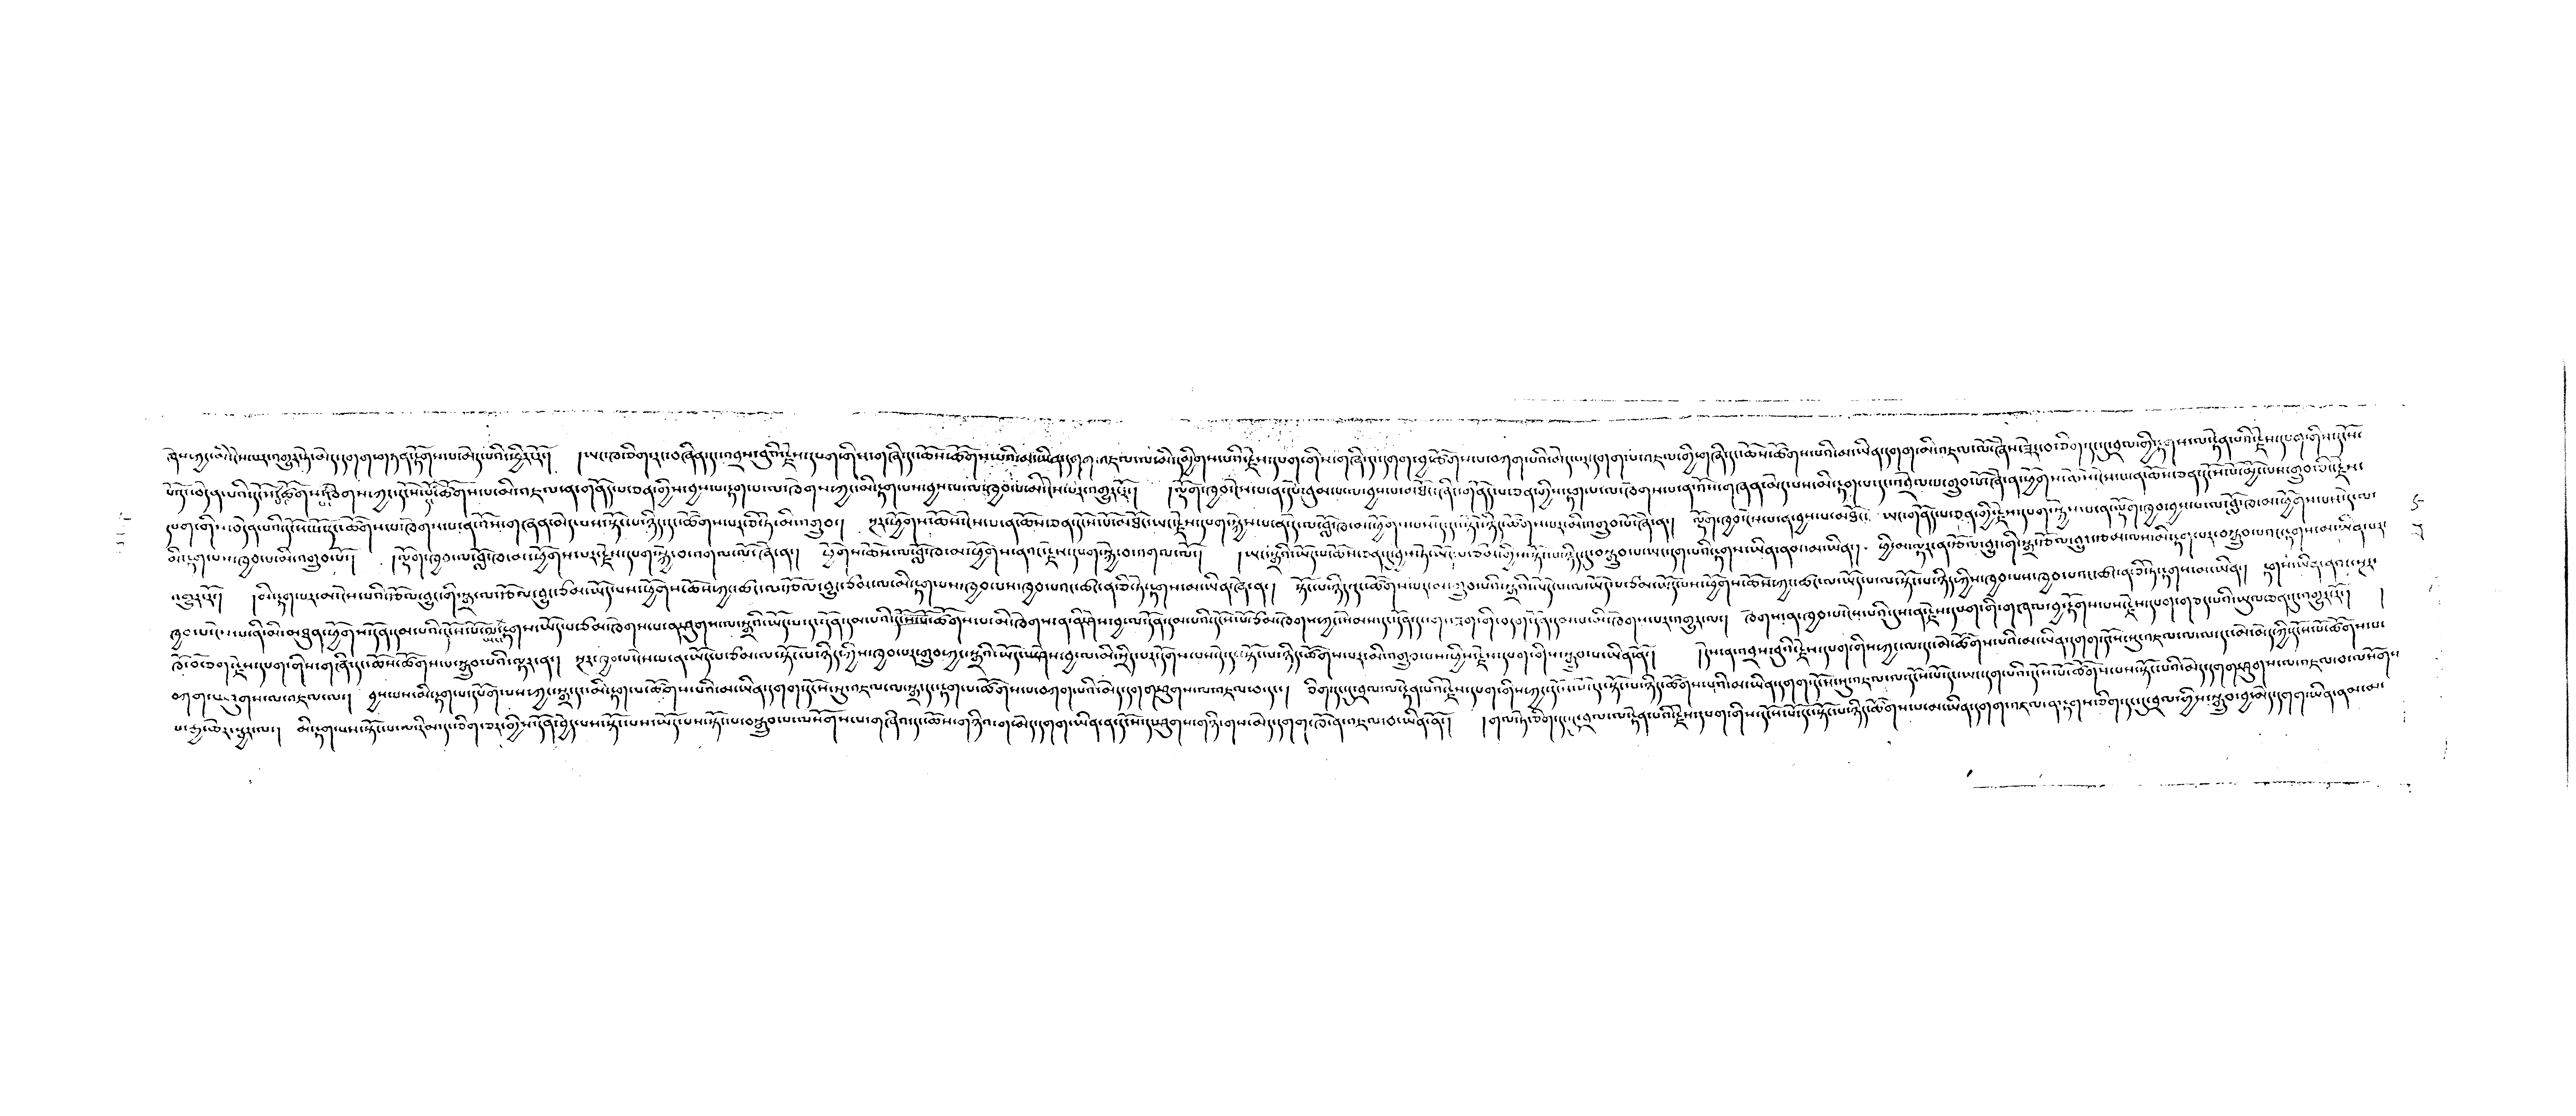ཞེས་ཀྱང་མི་ངེས་པར་འགྱུར་ཏེ་མེད་དགག་གཏན་རྟོགས་པ་མེད་པའི་ཕྱིར་རོ། །ཡང་ཁ་ཅིག་རང་བཞིན་དང་འབྲས་བུའི་རྗེས་དཔག་གིས་གཞི་དང་ཆོས་ཚོགས་པའི་མ་ཡིན་དགག་འཇལ་ལ་མི་དམིགས་པའི་རྗེས་དཔག་གིས་གཞི་དང་དགག་བྱ་ཚོགས་པ་བཀག་པའི་མེད་པར་དགག་པ་འཇལ་གྱི་གཞི་དང་ཆོས་ཚོགས་པའི་མ་ཡིན་དགག་མི་འཇལ་ལོ་ཞེས་ཟེར་བ་ཅིག་དང་དུ་བྲལ་གྱི་རྟགས་ལ་རྟེན་པའི་རྗེས་དཔག་གིས་དངོས་
པོ་དང་བདེན་པའི་དངོས་ཚོགས་པ་ཁེགས་ཀྱང་དངོས་པོ་ཚོགས་པ་མི་འཇལ་ན་གནོད་པ་ཅན་གྱིས་བྱས་པ་རྟག་པ་ལ་ཁེགས་ཀྱང་མི་རྟག་པས་བྱས་པ་ལས་ཁྱབ་པ་མི་ངེས་པར་འགྱུར་རོ། །ལྡོག་ཁྱབ་ངེས་པ་ན་དཔེ་བུམ་པ་ལ་བྱས་པ་མཐོང་ཞིང་གནོད་པ་ཅན་གྱིས་རྟག་པ་ལ་ཁེགས་པ་ན་འོས་གཞན་མེད་པས་མི་རྟག་པ་དང་འབྲེལ་པ་གྲུབ་པོ་ཞེ་ན་ཕྱོགས་མོས་ངེས་པ་ན་ཆོས་ཅན་དངོས་པོ་མྱོང་པས་གྲུབ་ཅིང་རྗེས་
དཔག་གིས་བདེན་པའི་དངོས་པོ་རང་ཚོགས་པ་ཁེགས་པ་ན་འོས་གཞན་མེད་པས་སྟོང་པ་ཉིད་དང་ཚོགས་པར་ཅི་ཏེ་མི་འགྲུབ། སྔར་ཕྱོགས་ཆོས་ངེས་པ་ན་ཆོས་ཅན་དངོས་པོ་མཐོང་ཡང་རྗེས་དཔག་སྐྱེས་པ་ན་དེ་ལ་བློ་ཁ་མ་ཕྱོགས་པས་དེ་དང་སྟོང་ཉིད་ཚོགས་པར་མི་འགྲུབ་པོ་ཞེ་ན། ལྡོག་ཁྱབ་ངེས་པ་ན་བྱས་པ་མཐོང་ཡང་གནོད་པ་ཅན་གྱི་རྗེས་དཔག་སྐྱེས་པ་ན་ལྡོག་ཁྱབ་བྱས་པ་ལ་བློ་ཁ་མ་ཕྱོགས་པས་དེ་ལ་
མི་རྟག་པས་ཁྱབ་པ་མི་འགྲུབ་པོ། །ལྡོག་ཁྱབ་ལ་བློ་ཁ་མ་ཕྱོགས་པར་རྗེས་དཔག་སྐྱེ་བ་འགལ་ལོ་ཞེ་ན། ཕྱོགས་ཆོས་ལ་བློ་ཁ་མ་ཕྱོགས་ནའང་རྗེས་དཔག་སྐྱེ་བ་འགལ་ལོ། །ཡང་སྒྲའི་ཡོད་པ་ཆོས་ཅན་དུ་བྱས་ཏེ་ཡོད་པ་ཙམ་གྱིས་སྟོང་པ་ཉིད་དུ་བསྒྲུབ་པ་ཡང་དག་པའི་རྟགས་ཡིན་ནམ་མ་ཡིན། ཕྱི་མ་ལྟར་ན་ཙོལ་བྱུང་གི་སྒྲ་ཙོལ་བྱུང་ཙམ་ལས་མི་རྟག་པར་བསྒྲུབ་པའང་རྟགས་མ་ཡིན་པར་
འགྱུར་རོ། །མི་རྟག་པར་མ་ངེས་པའི་རྩོལ་བྱུང་གི་སྒྲ་ལ་རྩོལ་བྱུང་ཙམ་ཡོད་པས་ཕྱོགས་ཆོས་ཀྱང་ཚང་ལ་རྩོལ་བྱུང་ཙམ་ལ་མི་རྟག་པས་ཁྱབ་པས་ཁྱབ་པའང་ཚང་ན་ཅི་ཏེ་རྟགས་མ་ཡིན་ཞེ་ན། སྟོང་པ་ཉིད་དང་ཚོགས་པར་མ་གྲུབ་པའི་སྒྲའི་ཡོད་པ་ལ་ཡོད་པ་ཙམ་ཡོད་པས་ཕྱོགས་ཆོས་ཀྱང་ཚང་ལ་ཡོད་པ་ལ་སྟོང་པ་ཉིད་ཀྱིས་ཁྱབ་པས་ཁྱབ་པའང་ཚང་ན་ཅི་ཏེ་རྟགས་མ་ཡིན། རྟགས་ཡིན་ནའང་སྔར་
ཁྱབ་པ་ངེས་པ་ནི་མི་མཐུན་ཕྱོགས་དོན་དམ་པའི་དངོས་པོ་ལ་ཡང་རྟགས་ཡོད་པ་ཙམ་ཁེགས་པ་ན་ཤུགས་ལ་སྒྲའི་ཡོད་པ་དང་དོན་དམ་པའི་དངོས་པོ་ཚོགས་པ་མི་ཁེགས་ན་ནི་ཤེས་བྱ་ལ་དོན་དམ་པའི་དངོས་པོ་ཙམ་ཁེགས་ཀྱང་སེམས་དང་དོན་དང་གང་ཟག་གི་བདག་དོན་དམ་པ་མི་ཁེགས་པར་འགྱུར་ལ། ཁེགས་ན་ཁྱབ་པ་ངེས་པའི་དུས་ན་རྗེས་དཔག་གི་གཞལ་བྱ་རྟོགས་པས་རྗེས་དཔག་གཅད་པའི་ཡུལ་ཅན་དུ་འགྱུར་རོ། །
ཁོ་བོ་ཅག་རྗེས་དཔག་གིས་གཞི་དང་ཆོས་ཚོགས་པ་སྒྲུབ་པའི་ལྟར་ན། སྔར་ཁྱབ་པ་ངེས་པ་ན་ཡོད་པ་ཙམ་ལ་སྟོང་པ་ཉིད་ཀྱིས་ཁྱབ་པར་གྲུབ་ཀྱང་སྒྲའི་ཡོད་པ་ཤེས་བྱ་ལ་མི་སྲིད་པར་དོགས་པས་དེ་དང་སྟོང་པ་ཉིད་ཚོགས་པར་མི་འགྲུབ་པས་ཕྱིས་རྗེས་དཔག་གིས་སྒྲུབ་པ་ཡིན་ནོ། །དེས་ན་འབྲས་བུའི་རྗེས་དཔག་གིས་ཀྱང་ལ་དང་མེ་ཚོགས་པའི་མ་ཡིན་དགག་དངོས་སུ་འཇལ་ལ་ལ་དང་མོ་མེད་ཀྱི་དངོས་པོ་ཚོགས་པ་
བཀག་པ་ཤུགས་ལ་འཇལ་ལ། བྱས་པས་མི་རྟག་པ་དཔོག་པས་ཀྱང་སྒྲ་དང་མི་རྟག་པ་ཚོགས་པའི་མ་ཡིན་དགག་དངོས་སུ་འཇལ་ལ་སྒྲ་དང་རྟག་པ་ཚོགས་པ་བཀག་པའི་མེད་དགག་ཕུགས་ལ་འཇལ་བ་དང་། ཅིག་དང་དུ་བྲལ་ལ་རྟེན་པའི་རྗེས་དཔག་གིས་ཀྱང་དངོས་པོ་དང་སྟོང་པ་ཉིད་ཚོགས་པའི་མ་ཡིན་དགག་དངོས་སུ་འཇལ་ལ་དངོས་པོ་དང་ཡང་དག་པའི་དངོས་པོ་ཚོགས་པས་སྟོང་པའི་མེད་དགག་ཤུགས་ལ་འཇལ་བ་ལ་སོགས་
པ་རྒྱ་ཆེར་སྦྱར་ལ། མི་རྟག་པས་སྟོང་པ་ལ་རིམ་དང་ཅིག་ཅར་གྱིས་དོན་བྱེད་པས་སྟོང་པས་ཡོད་པས་སྟོང་པ་བསྒྲུབ་པ་ལ་སོགས་པ་གཞིལ་དང་ཆོས་གཉིའ་ག་མེད་དགག་ཡིན་ན་དངོས་དང་ཤུགས་གཉི་གས་མེད་དགག་ཁོ་ན་འཇལ་བ་ཡིན་ནོ། །གལ་ཏེ་ཅིག་དང་དུ་བྲལ་ལ་རྟེན་པའི་རྗེས་དཔག་གིས་དངོས་པོ་དང་སྟོང་པ་ཉིད་ཚོགས་པ་མ་ཡིན་དགག་འཇལ་ན་རྟགས་ཅིག་དང་དུ་བྲལ་གྱིས་སྒྲུབ་བྱ་མེད་དགག་ཡིན་ནམ་མ་